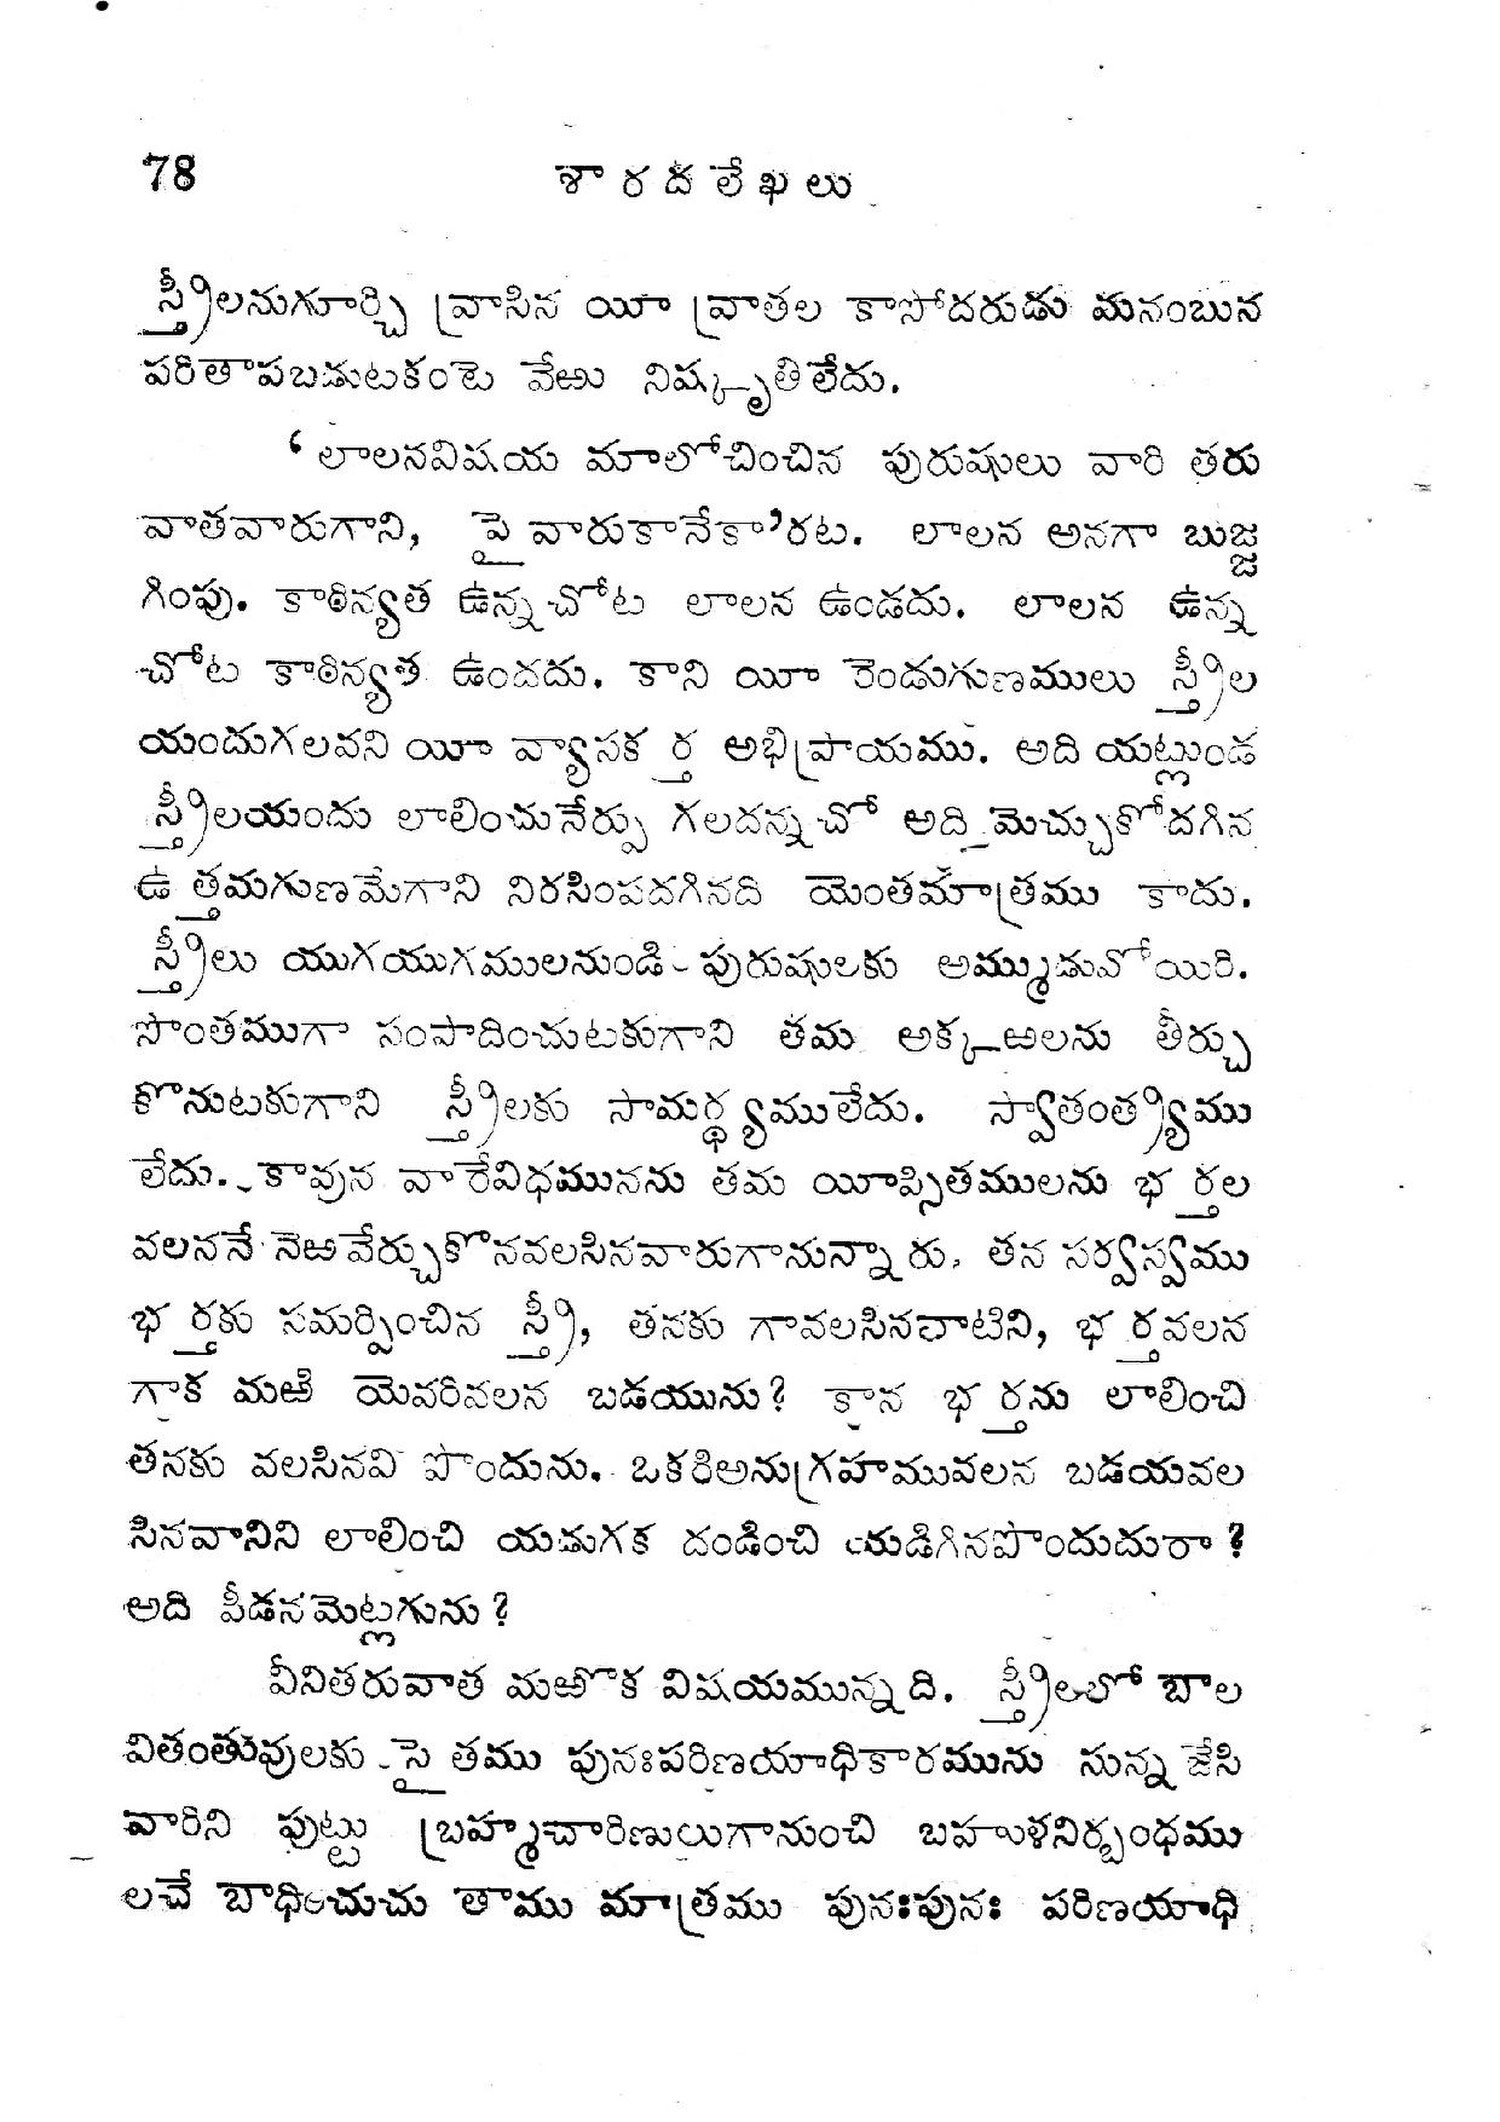స్త్రీలనుగూర్చి వ్రాసిన యీ వ్రాతల కాసోదరుడు మనంబున
పరితాపబడుటకంటె వేఱు నిష్కృతి లేదు.

'లాలనవిషయ మాలోచించిన పురుషులు వారి తరు
వాతవారుగాని, పై వారుకానేకా'రట. లాలన అనగా బుజ్జ
గింపు. కాఠిన్యత ఉన్న చోట లాలన ఉండదు. లాలన ఉన్న
చోట కాఠిన్యత ఉందదు. కాని యీ రెండు గుణములు స్త్రీల
యందుగలవని యీ వ్యాసకర్త అభిప్రాయము. అది యట్లుండ
స్త్రీలయందు లాలించునేర్పు గలదన్నచో అది మెచ్చుకోదగిన
ఉత్తమగుణమేగాని నిరసింపదగినది యెంతమాత్రము కాదు.
స్త్రీలు యుగయుగములనుండి పురుషులకు అమ్ముడువోయిరి.
సొంతముగా సంపాదించుటకుగాని తమ అక్కఱలను తీర్చు
కొనుటకుగాని స్త్రీలకు సామర్థ్యములేదు. స్వాతంత్య్రము
లేదు. కావున వారేవిధమునను తమ యీప్సితములను భర్తల
వలననే నెఱవేర్చుకొనవలసినవారుగానున్నారు. తన సర్వస్వము
భర్తకు సమర్పించిన స్త్రీ, తనకు గావలసినవాటిని, భర్తనలన
గాక మఱి యెవరివలన బడయును? కాన భర్తను లాలించి
తనకు వలసినవి పొందును. ఒకరిఅనుగ్రహమువలన బడయవల
సినవానిని లాలించి యడుగక దండించి యడిగిన పొందుదురా?
అది పీడనమెట్లగును?

వీనితరువాత మఱోక విషయమున్నది. స్త్రీలలో బాల
వితంతువులకు సైతము పునఃపరిణయాధికారమును సున్న జేసి
వారిని పుట్టు బ్రహ్మచారిణులుగానుంచి బహుళనిర్బంధము
లచే బాధించుచు తాము మాత్రము పునఃపునః పరిణయాధి